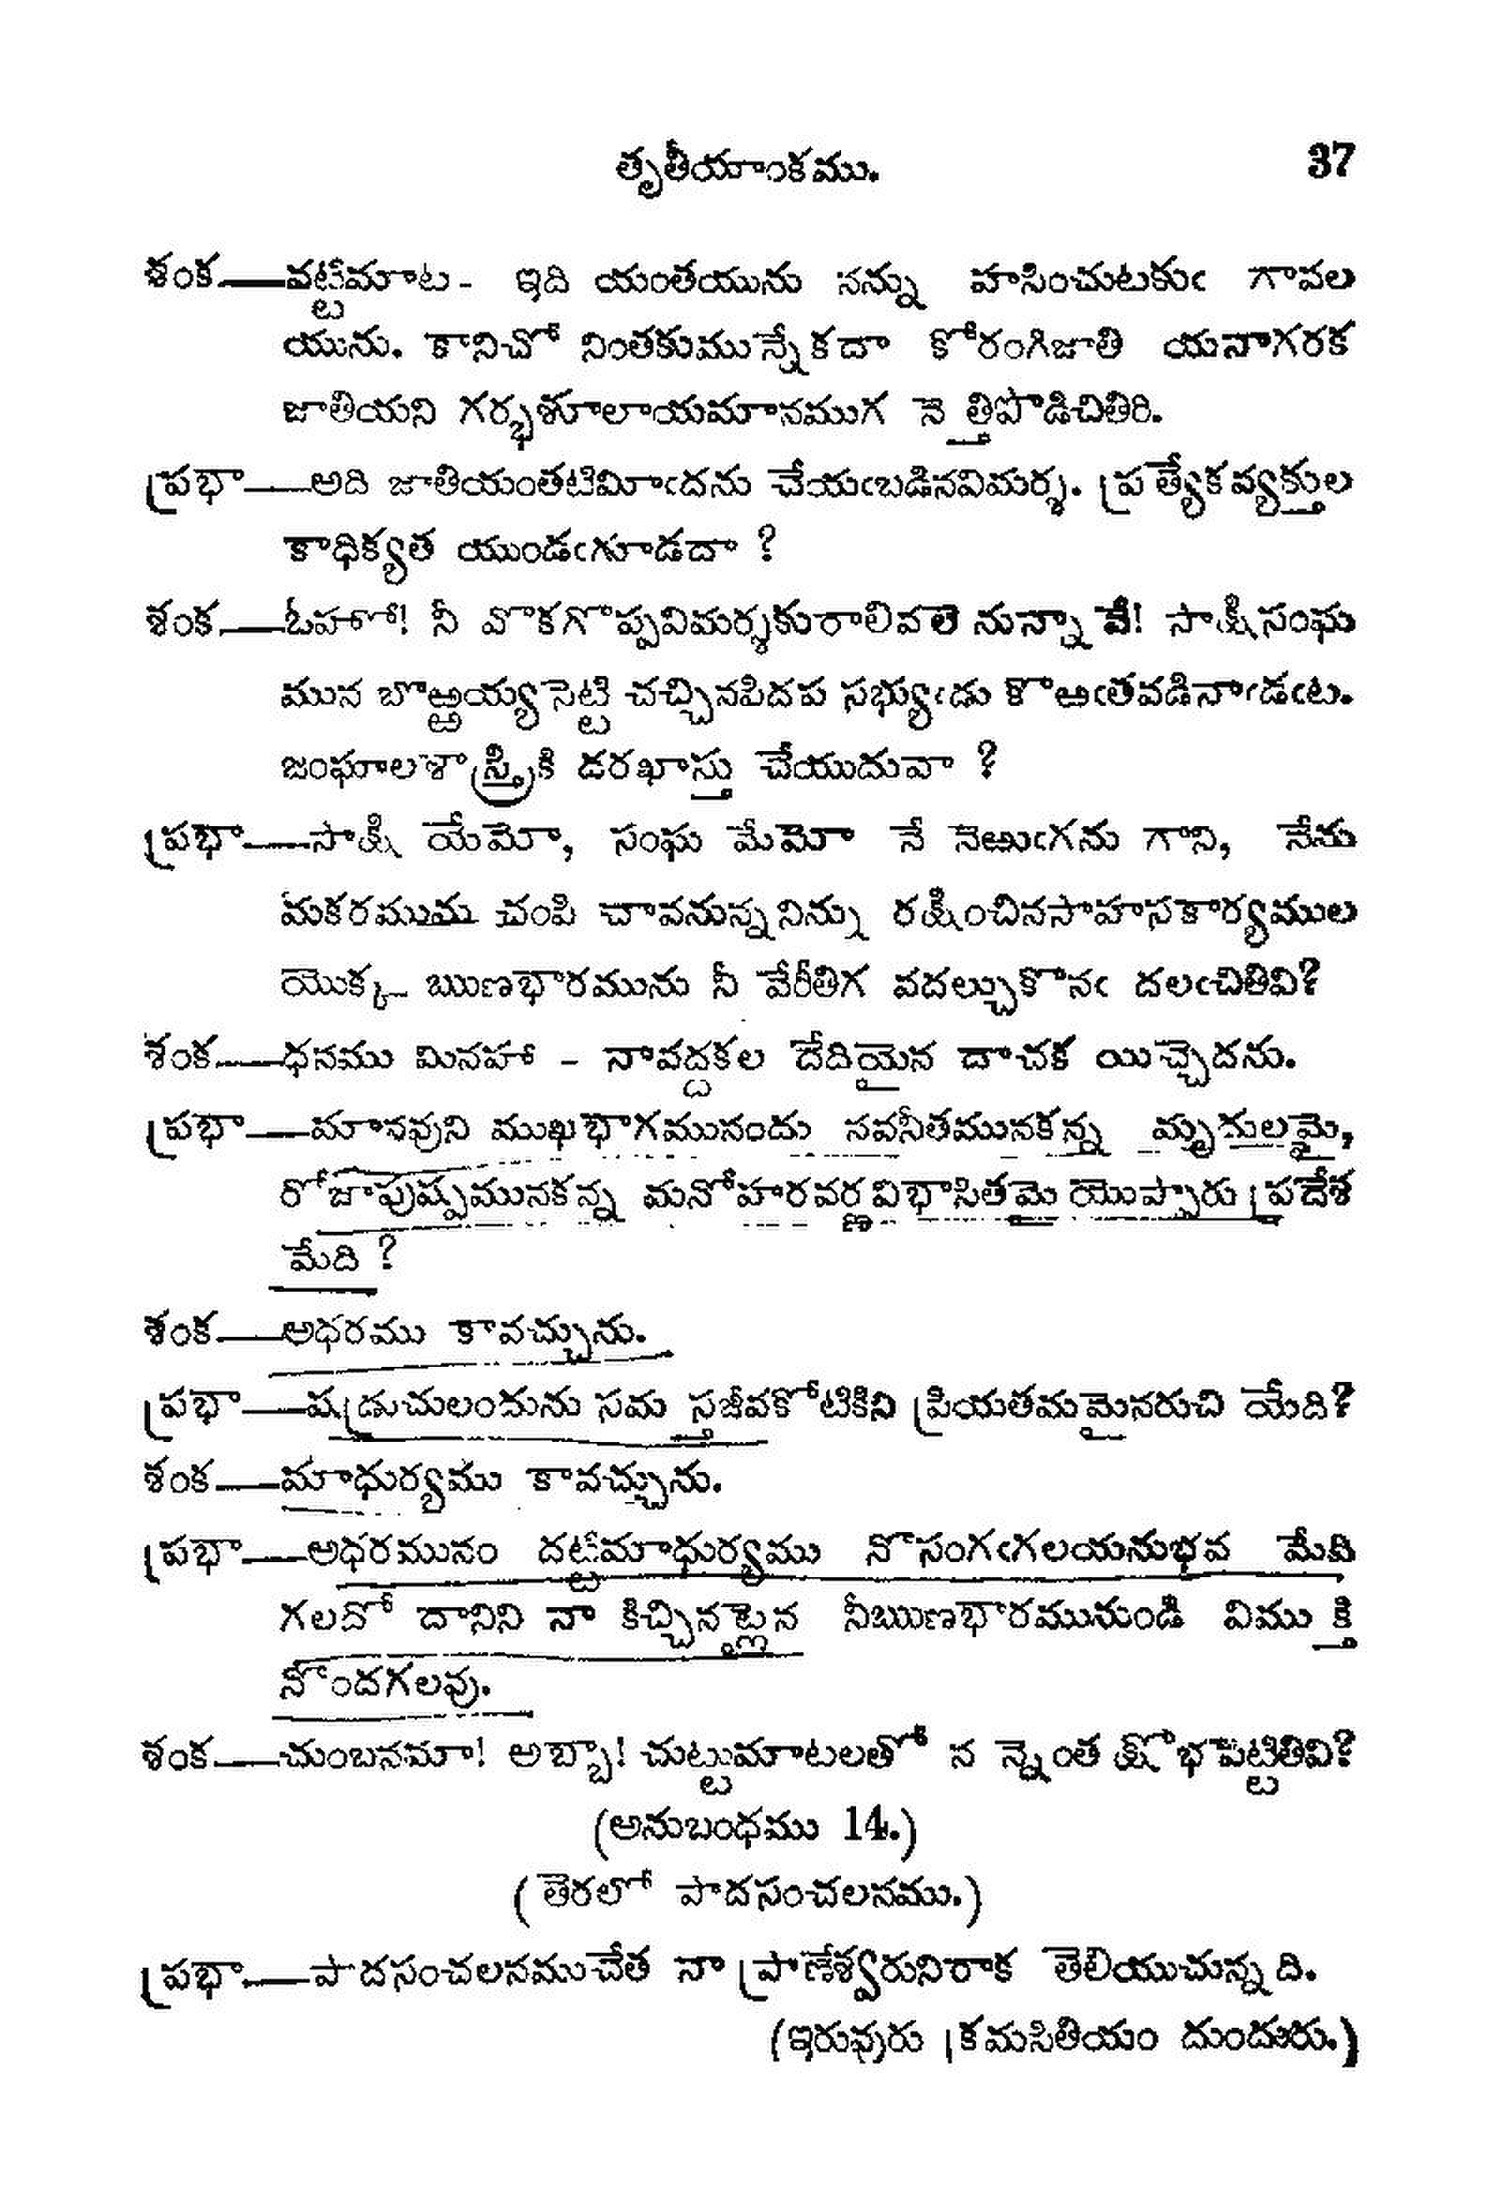శంక — వట్టిమాట. ఇది యంతయును నన్ను హసించుటకుఁ గావలయును. కానిచో నింతకుమున్నే కదా కోరంగిజాతి యనాగరక జాతియని గర్భశూలాయమానముగ నెత్తిపొడిచితిరి.

ప్రభా - అది జాతియంతటిమీఁదను చేయఁబడినవిమర్శ. ప్రత్యేకవ్యక్తుల కాధిక్యత యుండఁగూడదా ?

శంక - ఓహో! నీ వొకగొప్పవిమర్శకురాలివలె నున్నావే! సాక్షిసంఘమున బొఱ్ఱయ్యసెట్టి చచ్చినపిదప సభ్యుఁడు కొఱఁతవడినాఁడఁట. జంఘాలశాస్త్రికి దరఖాస్తు చేయుదువా ?

ప్రభా -- సాక్షి, యేమో, సంఘ మేమో నే నెఱుఁగను గాని, నేను మకరమున చంపి చావనున్ననిన్ను రక్షించినసాహసకార్యముల యొక్క ఋణభారమును నీ వేరీతిగ వదల్చుకొనఁ దలఁచితివి?

శంక - ధనము మినహా - నావద్దకల దేదియైన దాచక యిచ్చెదను.

ప్రభా - మానవుని ముఖభాగమునందు నవనీతమునకన్న మృదులమై, రోజాపుష్పమునకన్న మనోహరవర్ణవిభాసితమై యొప్పారు. ప్రదేశ మేది?

శంక - అధరము కావచ్చును.

ప్రభా - షడ్రుచులందును సమస్తజీవకోటికిని ప్రియతమమైనరుచి యేది?

శంక - మాధుర్యము కావచ్చును.

ప్రభా - అధరమునం దట్టిమాధుర్యము నొసంగఁగలయనుభవ మేది గలదో దానిని నా కిచ్చినట్లైన నీఋణభారమునుండి విముక్తి నొందగలవు.

శంక - చుంబనమా! అబ్బా! చుట్టుమాటలతో న న్నెంత క్షోభ పెట్టితివి?

ప్రభా - పాదసంచలనముచేత నా ప్రాణేశ్వరునిరాక తెలియుచున్న ది.